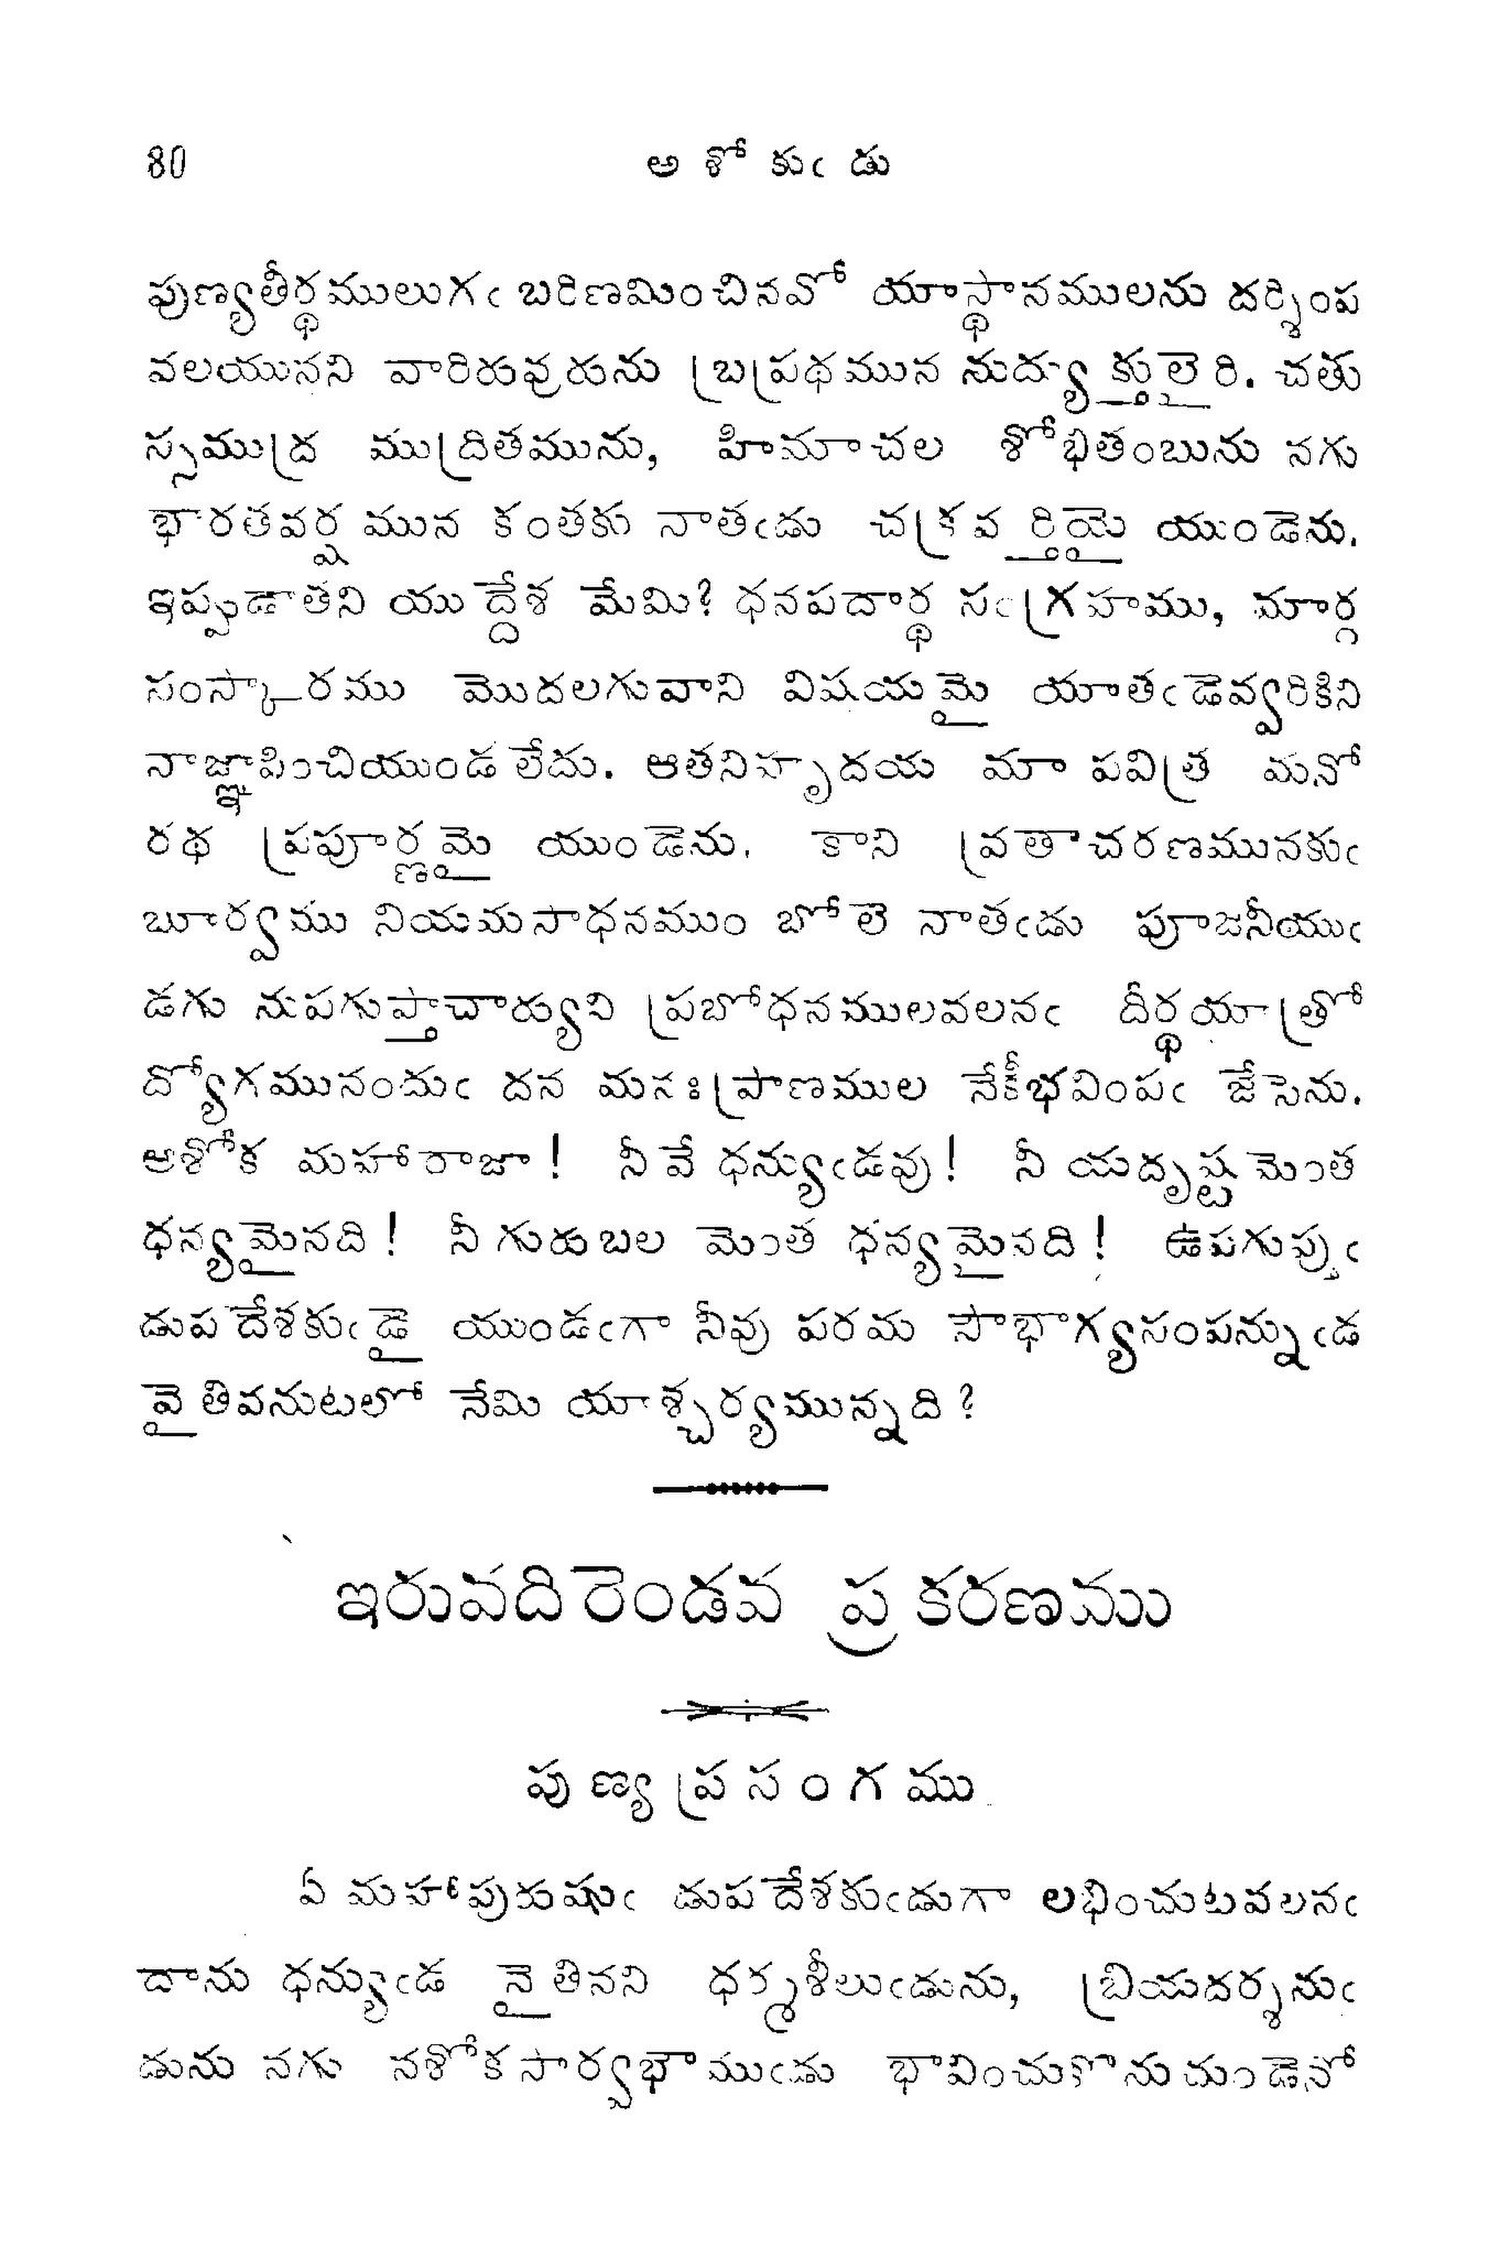పుణ్యతీర్థములుగఁ బరిణమించినవో యాస్థానములను దర్శింపవలయునని వారిరువురును బ్రప్రథమున నుద్యుక్తులైరి. చతుస్సముద్ర ముద్రితమును, హిమాచల శోభితంబును నగు
భారతవర్షమున కంతకు నాతఁడు చక్రవర్తియై యుండెను. ఇప్పుడాతని యుద్దేశ మేమి? ధనపదార్థ సంగ్రహము, మార్గ సంస్కారము మొదలగు వాని విషయమై యాతఁ డెవ్వరికిని
నాజ్ఞాపించియుండ లేదు. అతని హృదయ మా పవిత్ర మనోరథ ప్రపూర్ణమై యుండెను. కాని వ్రతాచరణమునకు బూర్వము నియమ సాధనముం బోలె నాతఁడు పూజనీయుఁడగు నుపగుప్తా చార్యుని ప్రబోధనములవలనఁ దీర్థయాత్రో ద్యోగమునందుఁ దన మనః ప్రాణముల నేకీభవింపఁ జేసెను. అశోక మహా రాజా ! నీవే ధన్యుఁడవు ! నీ యదృష్ట మెంత ధన్యమైనది ! నీ గురుబల మెంత ధన్యమైనది ! ఉపగుప్తుఁడుప దేశకుఁ డై యుండఁగా నీవు పరమ సౌభాగ్యసంపన్నుఁడ వై తివనుటలో నేమి యాశ్చర్యమున్నది ?

ఏ మహా పురుషుఁ డుపదేశకుఁడుగా లభించుటవలనఁ దాను ధన్యుఁడ నైతినని ధర్మశీలుఁడును, బ్రియదర్శనుఁ డును నగు నశోక సార్వభౌముఁడు భావించుకొను చుండెనో